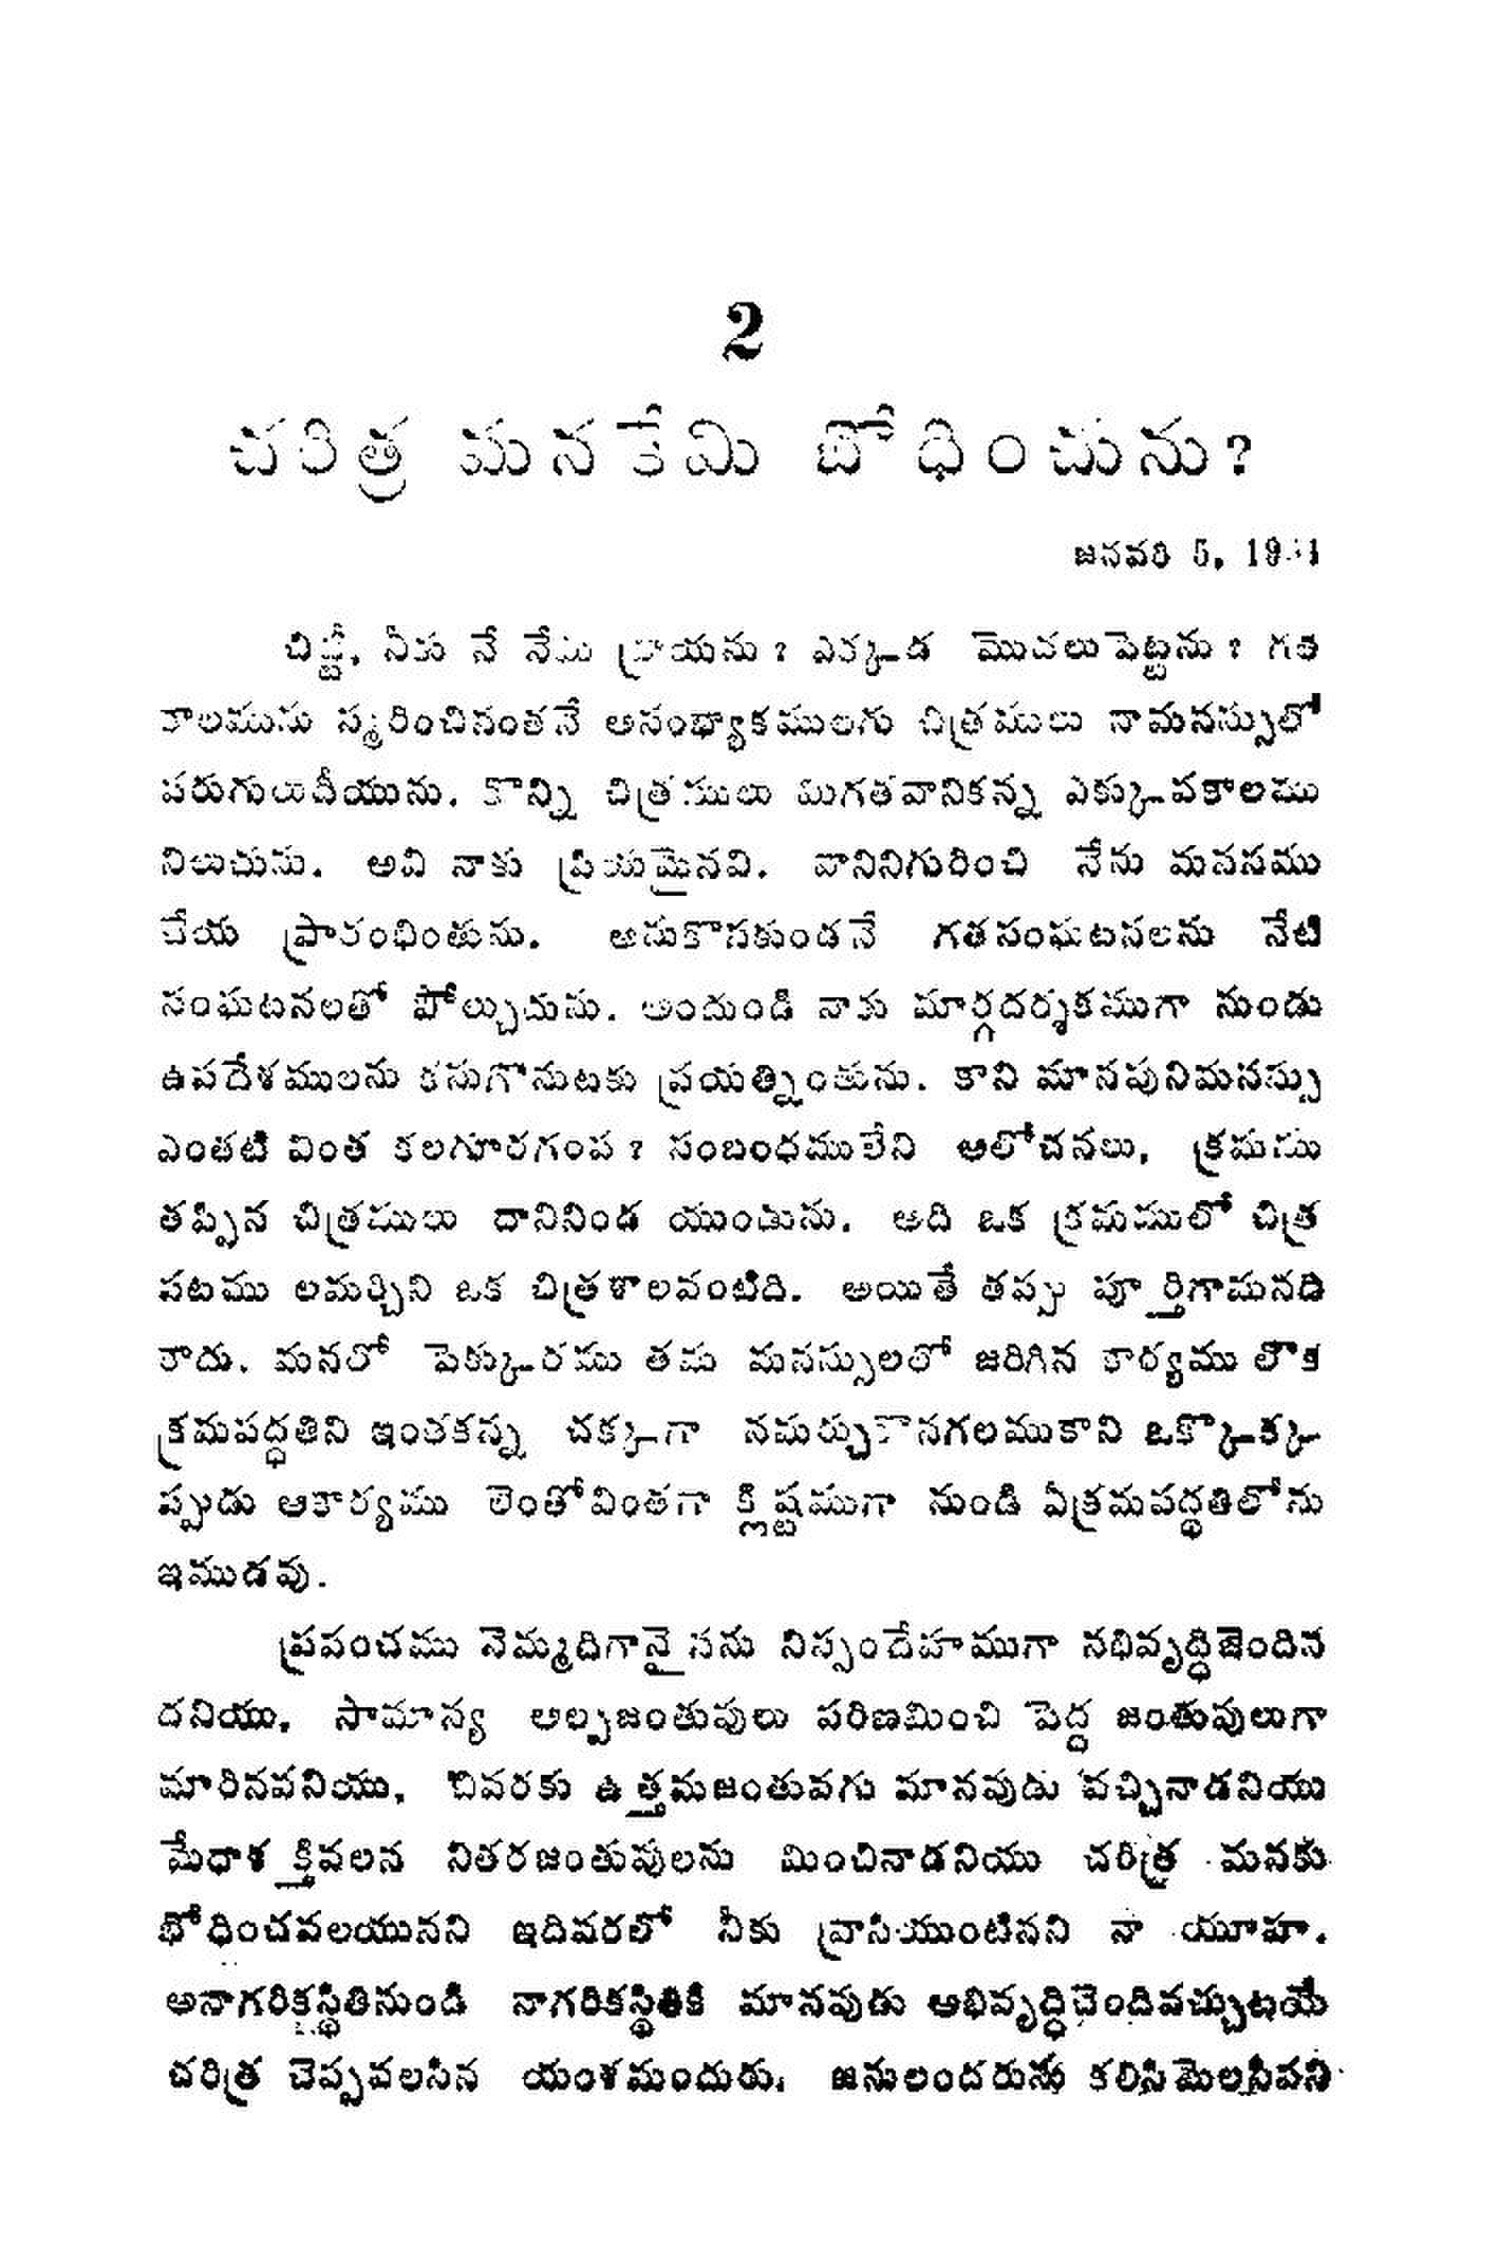2
చరిత్ర మనకేమి బోధించును?

చిట్టీ. నీకు నే నేమి వ్రాయను? ఎక్కడ మొదలు పెట్టను? గత కాలముకు స్మరించినంతనే అసంభ్యాకములగు చిత్రములు నామనస్సులో పరుగులుదీయును. కొన్ని చిత్రములు మిగతవానికన్న ఎక్కువకాలము నిలుచును. అవి నాకు ప్రియమైనవి. వానినిగురించి నేను మననము చేయ ప్రారంభింతును. అనుకొనకుండనే గతసంఘటనలను నేటి సంఘటనలతో పోల్చుచును. అందుండి నాకు మార్గదర్శకముగా నుండు ఉపదేశములను కనుగొనుటకు ప్రయత్నింతును. కాని మానవునిమనస్సు ఎంతటి వింత కలగూరగంప? సంబంధములేని ఆలోచనలు, క్రమము తప్పిన చిత్రములు దానినిండ యుండును. అది ఒక క్రమములో చిత్రపటము లమర్చిని ఒక చిత్రశాలవంటిది. అయితే తప్పు పూర్తిగామనది కాదు. మనలో పెక్కురము తమ మనస్సులలో జరిగిన కార్యము లొక క్రమపద్ధతిని ఇంతకన్న చక్కగా నమర్చుకొనగలముకాని ఒక్కొక్కప్పుడు ఆకార్యము లెంతో వింతగా క్లిష్టముగా నుండి ఏక్రమపద్ధతిలోను ఇముడవు.

ప్రపంచము నెమ్మదిగానై నను నిస్సందేహముగా నభివృద్ధిజెందిన దనియు, సామాన్య అల్పజంతువులు పరిణమించి పెద్ద జంతువులుగా మారినవనియు, చివరకు ఉత్తమజంతువగు మానవుడు వచ్చినాడనియు మేధాశక్తివలన నితరజంతువులను మించినాడనియు చరిత్ర మనకు భోధించవలయునని ఇదివరలో నీకు వ్రాసి యుంటినని నా యూహ. అనాగరికస్థితినుండి నాగరిక స్థితికి మానవుడు అభివృద్ధి చెందివచ్చుటయే చరిత్ర చెప్పవలసిన యంశమందురు. జనులందరును కలిసి మెలసిపని.